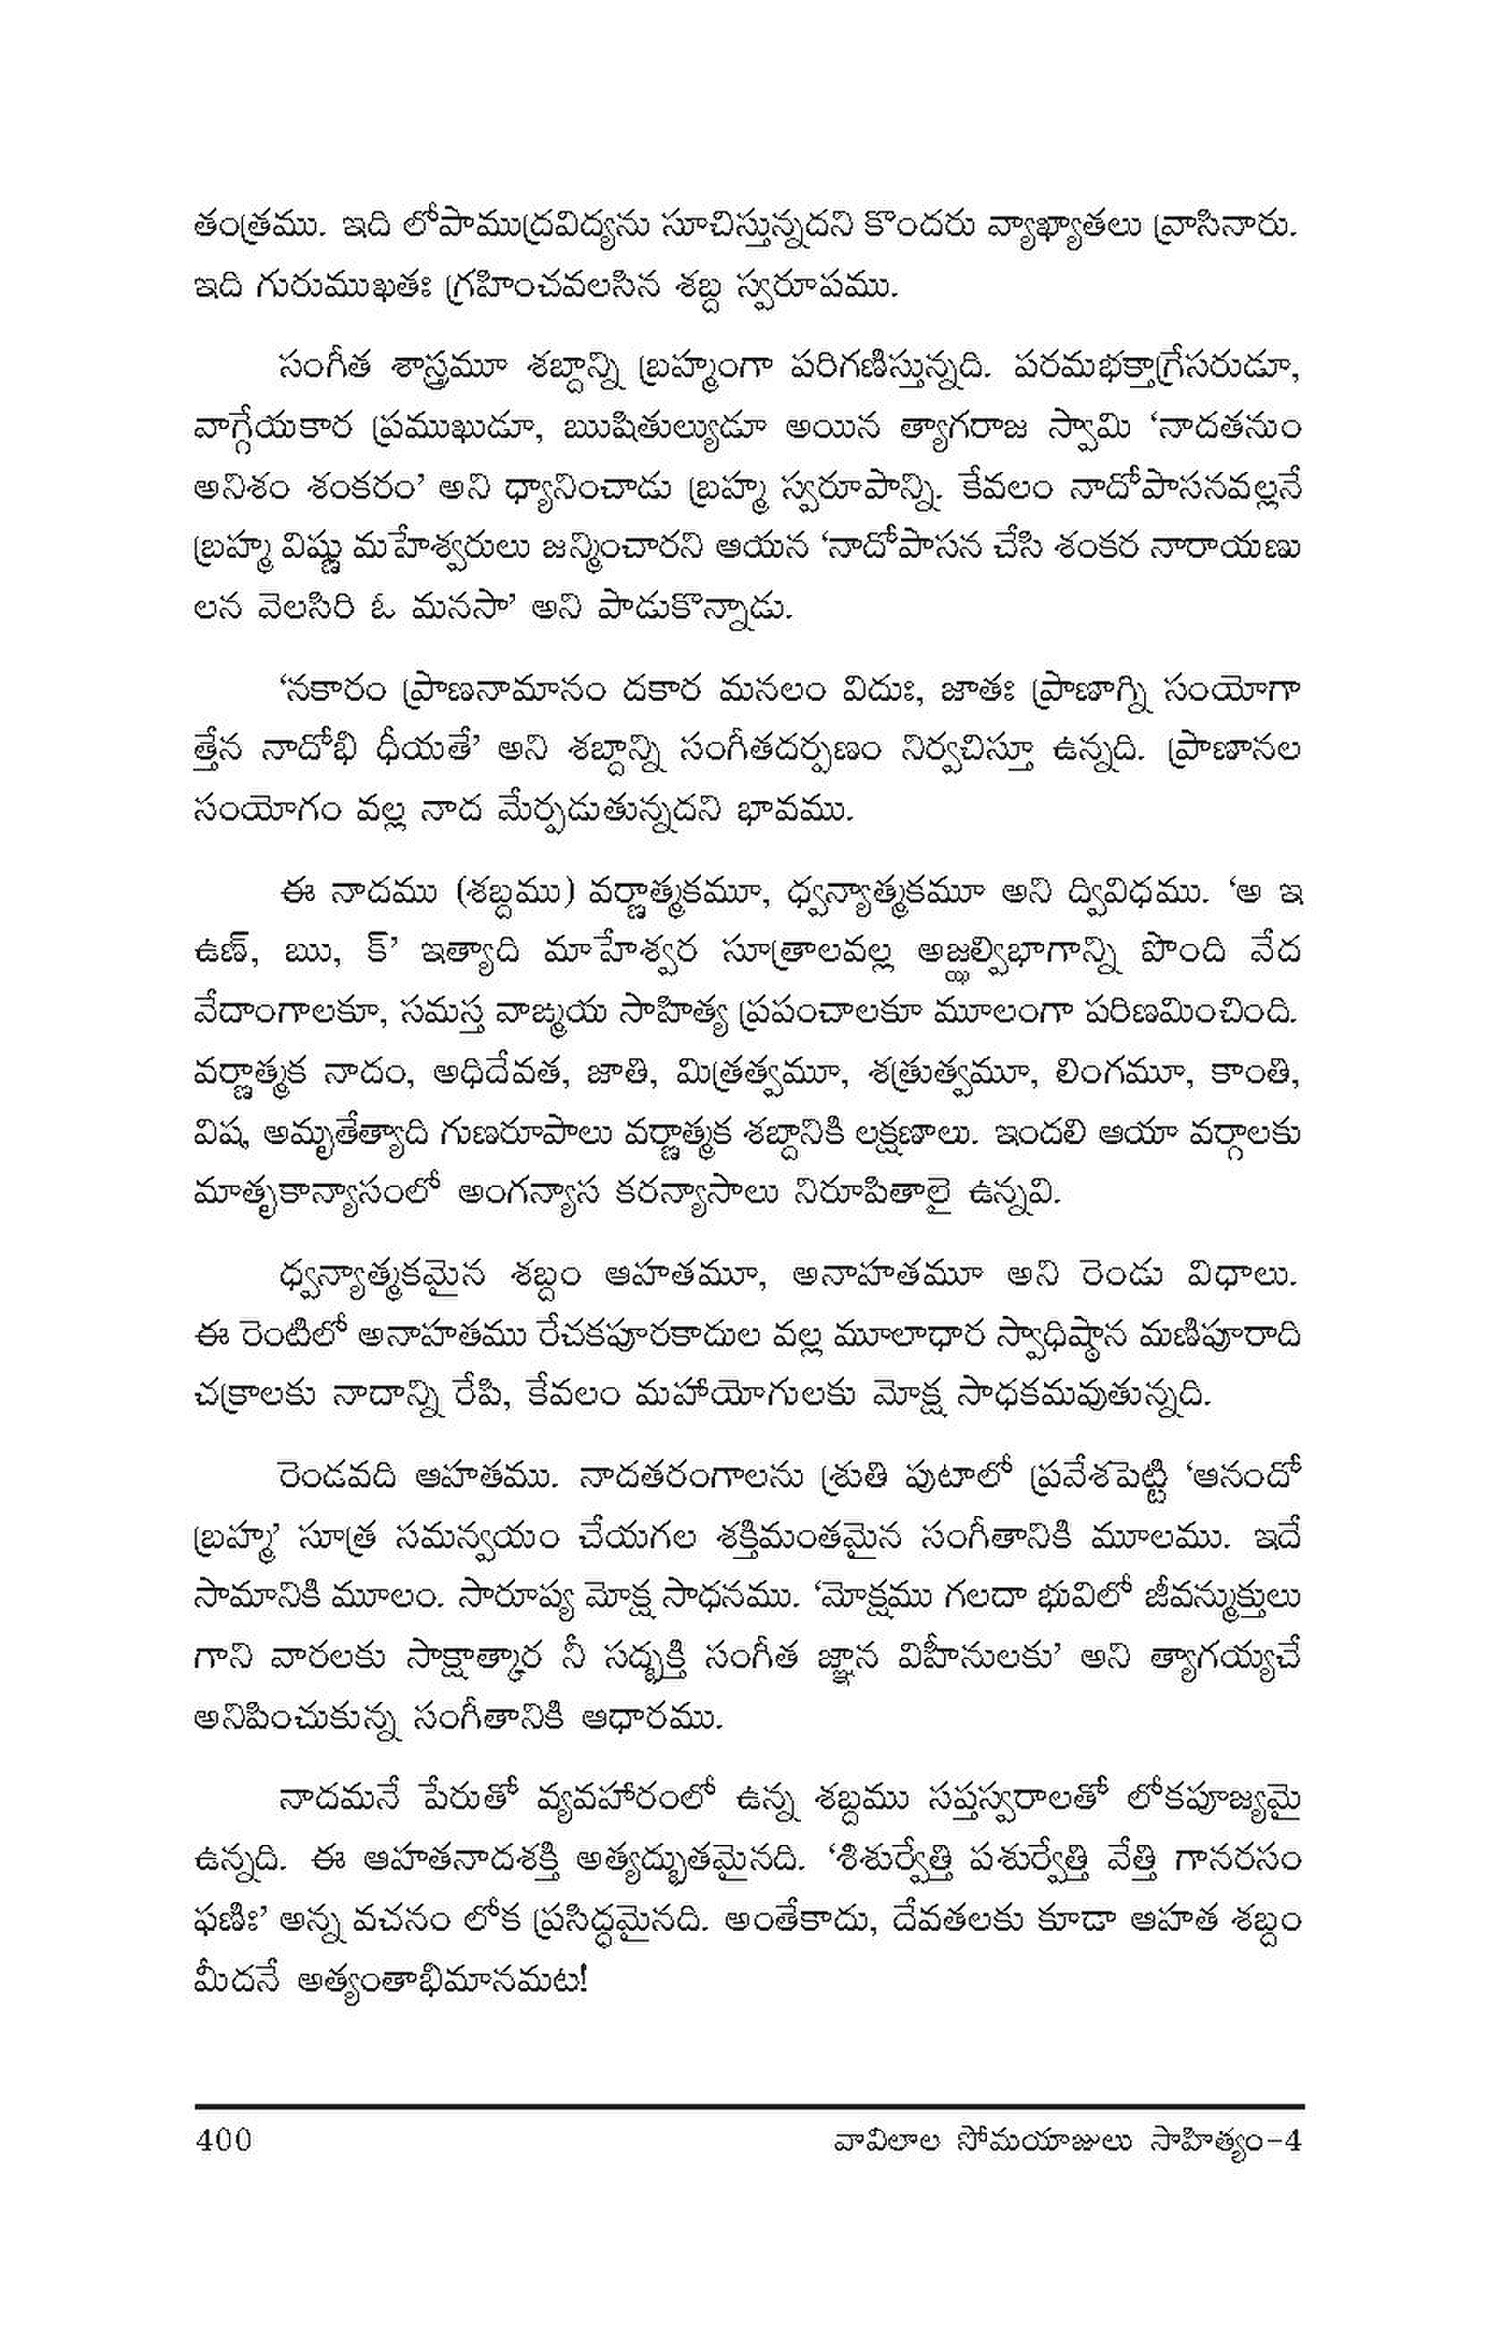తంత్రము. ఇది లోపాముద్రవిద్యను సూచిస్తున్నదని కొందరు వ్యాఖ్యాతలు వ్రాసినారు.
ఇది గురుముఖతః గ్రహించవలసిన శబ్ద స్వరూపము.

సంగీత శాస్త్రమూ శబ్దాన్ని బ్రహ్మంగా పరిగణిస్తున్నది. పరమభక్తాగ్రేసరుడూ,
వాగ్గేయకార ప్రముఖుడూ, ఋషితుల్యుడూ అయిన త్యాగరాజ స్వామి 'నాదతనుం
అనిశం శంకరం' అని ధ్యానించాడు బ్రహ్మ స్వరూపాన్ని. కేవలం నాదోపాసనవల్లనే
బ్రహ్మ విష్ణు మహేశ్వరులు జన్మించారని ఆయన 'నాదోపాసన చేసి శంకర నారాయణు
లన వెలసిరి ఓ మనసా' అని పాడుకొన్నాడు.

'నకారం ప్రాణనామానం దకార మనలం విదుః, జాతః ప్రాణాగ్ని సంయోగా
త్తేన నాదోభి ధీయతే' అని శబ్దాన్ని సంగీతదర్పణం నిర్వచిస్తూ ఉన్నది. ప్రాణానల
సంయోగం వల్ల నాద మేర్పడుతున్నదని భావము.

ఈ నాదము (శబ్దము) వర్ణాత్మకమూ, ధ్వన్యాత్మకమూ అని ద్వివిధము. 'అ ఇ
ఉణ్, ఋ, క్' ఇత్యాది మాహేశ్వర సూత్రాలవల్ల అజల్విభాగాన్ని పొంది వేద
వేదాంగాలకూ, సమస్త వాఙ్మయ సాహిత్య ప్రపంచాలకూ మూలంగా పరిణమించింది.
వర్ణాత్మక నాదం, అధిదేవత, జాతి, మిత్రత్వమూ, శత్రుత్వమూ, లింగమూ, కాంతి,
విష అమృతేత్యాది గుణరూపాలు వర్ణాత్మక శబ్దానికి లక్షణాలు. ఇందలి ఆయా వర్గాలకు
మాతృకాన్యాసంలో అంగన్యాస కరన్యాసాలు నిరూపితాలై ఉన్నవి.

ధ్వన్యాత్మకమైన శబ్దం ఆహతము, అనాహతమూ అని రెండు విధాలు.
ఈ రెంటిలో అనాహతము రేచకపూరకాదుల వల్ల మూలాధార స్వాధిష్ఠాన మణిపూరాది
చక్రాలకు నాదాన్ని రేపి, కేవలం మహాయోగులకు మోక్ష సాధకమవుతున్నది.

రెండవది ఆహతము. నాదతరంగాలను శ్రుతి పుటాలో ప్రవేశపెట్టి 'ఆనందో
బ్రహ్మ సూత్ర సమన్వయం చేయగల శక్తిమంతమైన సంగీతానికి మూలము. ఇదే
సామానికి మూలం. సారూప్య మోక్ష సాధనము. 'మోక్షము గలదా భువిలో జీవన్ముక్తులు
గాని వారలకు సాక్షాత్కార నీ సద్భక్తి సంగీత జ్ఞాన విహీనులకు' అని త్యాగయ్యచే
అనిపించుకున్న సంగీతానికి ఆధారము.

నాదమనే పేరుతో వ్యవహారంలో ఉన్న శబ్దము సప్తస్వరాలతో లోకపూజ్యమై
ఉన్నది. ఈ ఆహతనాదశక్తి అత్యద్భుతమైనది. 'శిశుర్వేత్తి పశుర్వేత్తి వేత్తి గానరసం
ఫణిః' అన్న వచనం లోక ప్రసిద్ధమైనది. అంతేకాదు, దేవతలకు కూడా ఆహత శబ్దం
మీదనే అత్యంతాభిమానమట!